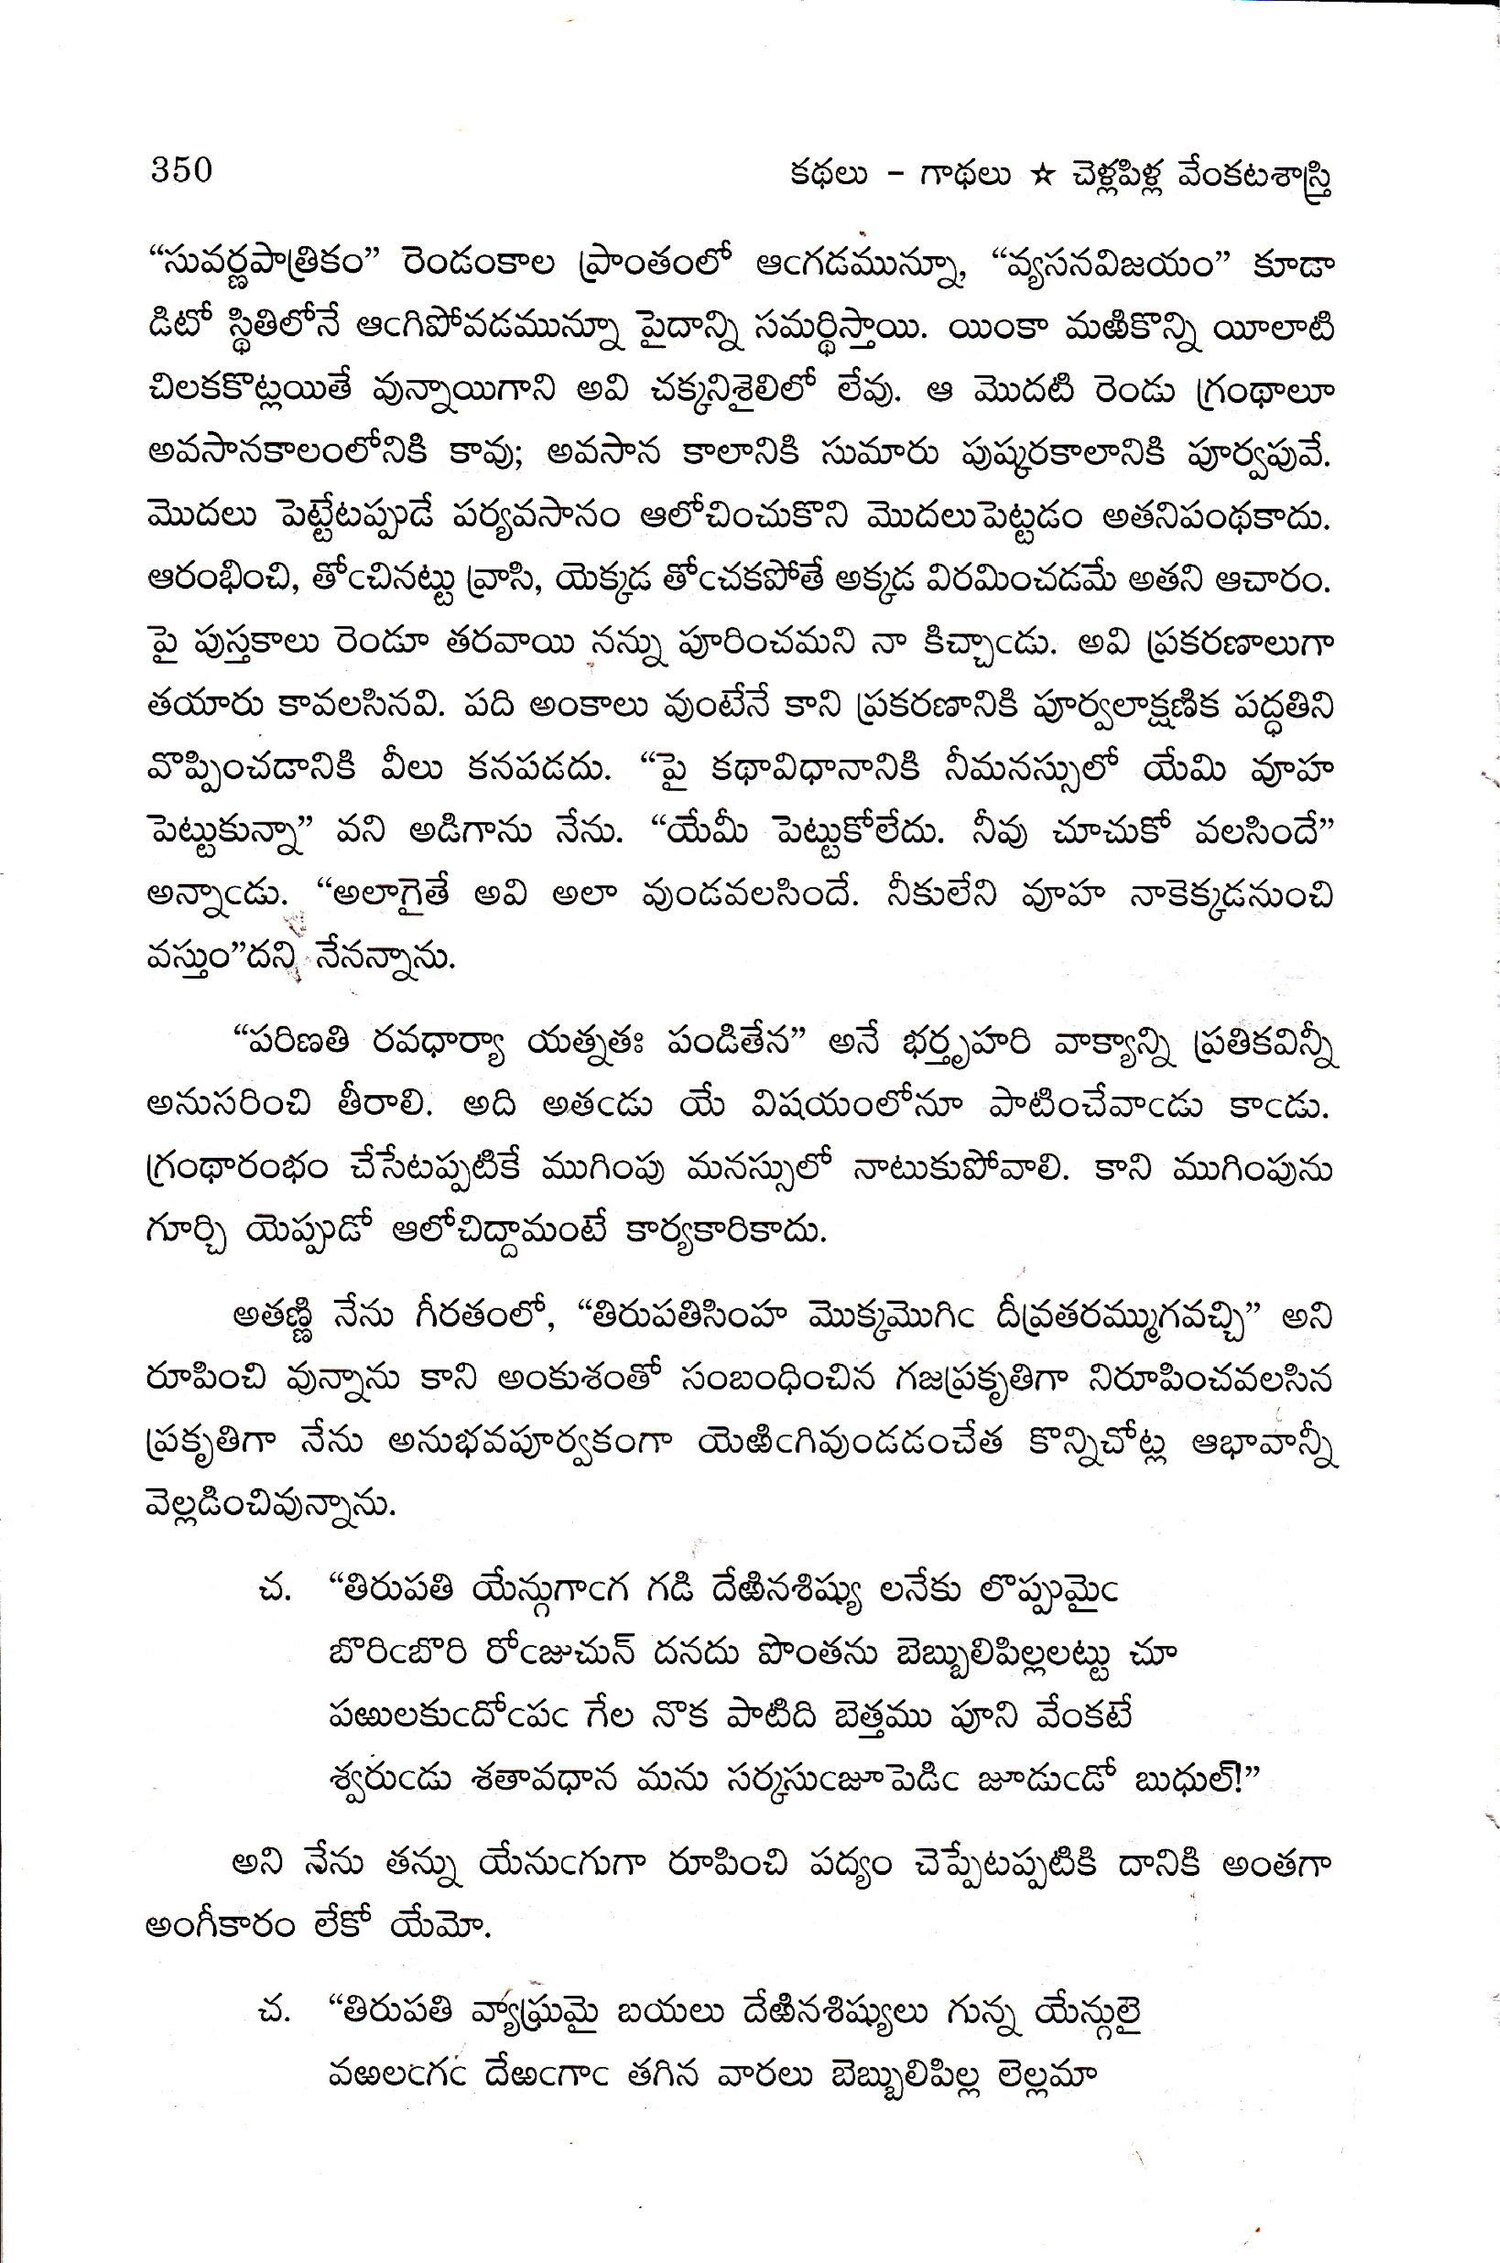“సువర్ణపాత్రికం" రెండంకాల ప్రాంతంలో ఆఁగడమున్నూ “వ్యసనవిజయం" కూడా డిటో స్థితిలోనే ఆఁగిపోవడమున్నూ పైదాన్ని సమర్థిస్తాయి. యింకా మఱికొన్ని యీలాటి చిలకకొట్లయితే వున్నాయిగాని అవి చక్కనిశైలిలో లేవు. ఆ మొదటి రెండు గ్రంథాలూ అవసానకాలంలోనికి కావు; అవసాన కాలానికి సుమారు పుష్కరకాలానికి పూర్వపువే. మొదలు పెట్టేటప్పుడే పర్యవసానం ఆలోచించుకొని మొదలుపెట్టడం అతనిపంథకాదు. ఆరంభించి, తోఁచినట్టువ్రాసి, యెక్కడ తోఁచకపోతే అక్కడ విరమించడమే అతని ఆచారం. పై పుస్తకాలు రెండూ తరవాయి నన్ను పూరించమని నా కిచ్చాఁడు. అవి ప్రకరణాలుగా తయారు కావలసినవి. పది అంకాలు వుంటేనే కాని ప్రకరణానికి పూర్వలాక్షణిక పద్ధతిని వొప్పించడానికి వీలు కనపడదు. “పై కథావిధానానికి నీమనస్సులో యేమి వూహ పెట్టుకున్నా" వని అడిగాను నేను. "యేమీ పెట్టుకోలేదు. నీవు చూచుకో వలసిందే" అన్నాఁడు. “అలాగైతే అవి అలా వుండవలసిందే. నీకులేని వూహ నాకెక్కడనుంచి వస్తుందని నేనన్నాను.

"పరిణతి రవధార్యా యత్నతః పండితేన" అనే భర్తృహరి వాక్యాన్ని ప్రతికవిన్నీ అనుసరించి తీరాలి. అది అతcడు యే విషయంలోనూ పాటించేవాఁడు కాఁడు. గ్రంథారంభం చేసేటప్పటికే ముగింపు మనస్సులో నాటుకుపోవాలి. కాని ముగింపును గూర్చి యెప్పుడో ఆలోచిద్దామంటే కార్యకారికాదు.

అతణ్ణి నేను గీరతంలో, “తిరుపతిసింహ మొక్కమొగిఁ దీవ్రతరమ్ముగవచ్చి" అని రూపించి వున్నాను కాని అంకుశంతో సంబంధించిన గజప్రకృతిగా నిరూపించవలసిన ప్రకృతిగా నేను అనుభవపూర్వకంగా యెఱిఁగివుండడంచేత కొన్నిచోట్ల ఆభావాన్నీ వెల్లడించివున్నాను.

చ. "తిరుపతి యేన్గుగాఁగ గడి దేఱినశిష్యు లనేకు లొప్పుమైఁ
 బొరిఁబొరి రోఁజుచున్ దనదు పొంతను బెబ్బులిపిల్లలట్టు చూ 
 పఱులకుఁదోఁపఁ గేల నొక పాటిది బెత్తము పూని వేంకటే 
 శ్వరుఁడు శతావధాన మను సర్కసుcజూపెడిఁ జూడుcడో బుధుల్”
అని నేను తన్ను యేనుఁగుగా రూపించి పద్యం చెప్పేటప్పటికి దానికి అంతగా అంగీకారం లేకో యేమో.

చ. "తిరుపతి వ్యాఘ్రమై బయలు దేఱినశిష్యులు గున్న యేన్గులై
 వఱలఁగఁ దేఱఁగాఁ తగిన వారలు బెబ్బులిపిల్ల లెల్లమా